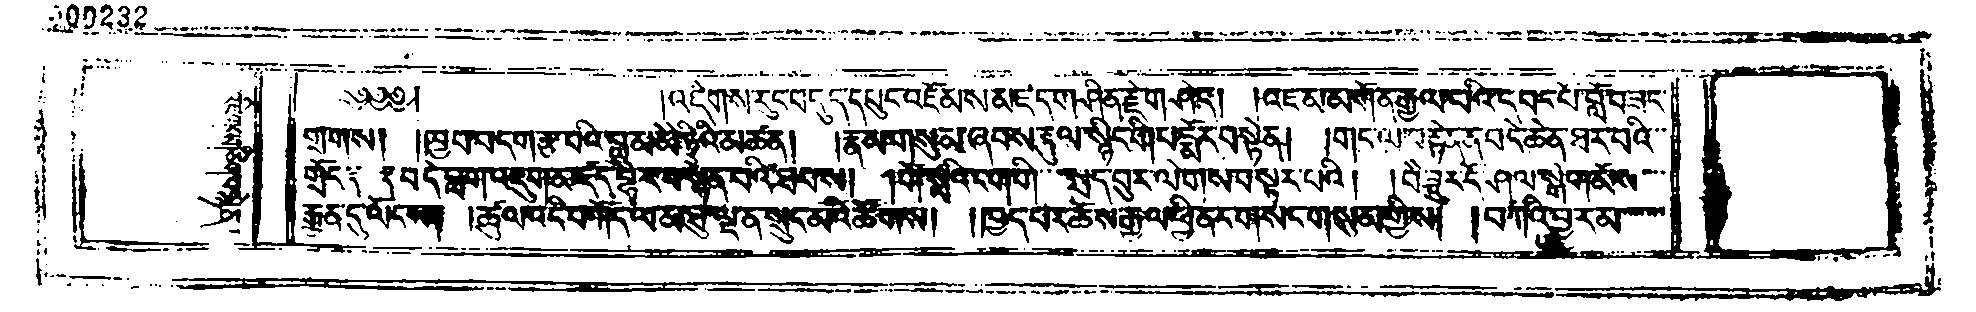༄༅༅། །འཇིགས་རུང་བདུད་དཔུང་འཇོམས་མཛད་གཤིན་རྗེ་གཤེད། །འཇམ་མགོན་རྒྱལ་བའི་དབང་པོ་བློ་བཟང་
གྲགས། །ཁྱབ་བདག་རྩ་བའི་བླ་མ་མཻ་ཏྲིའི་མཚན། །རྣམ་གསུམ་ཞབས་རྡུལ་སྙིང་གི་པདམོར་བསྟེན། །གང་ལ་བརྟེན་ན་བདེ་ཆེན་ཐར་བའི་
གྲོང་། །བདེ་བླག་འཇུག་མཛད་བྷཻར་བསྙེན་པའི་ཐབས། །གོ་སླའི་ངག་གི་སྲད་བུར་ལེགས་བསྟར་པའི། །བཻ་ཌཱུར་དོ་ཤལ་སྒེག་མོས་
རྒྱན་དུ་ལོངས། །ཚུལ་འདི་བཀོད་ལ་མཐུ་ལྡན་སྲུང་མའི་ཚོགས། །ཁྱད་པར་ཆོས་རྒྱལ་ཕྱི་ནང་གསང་གསུམ་གྱིས། །བཀའི་ཡ་བྱ་ར་མ་